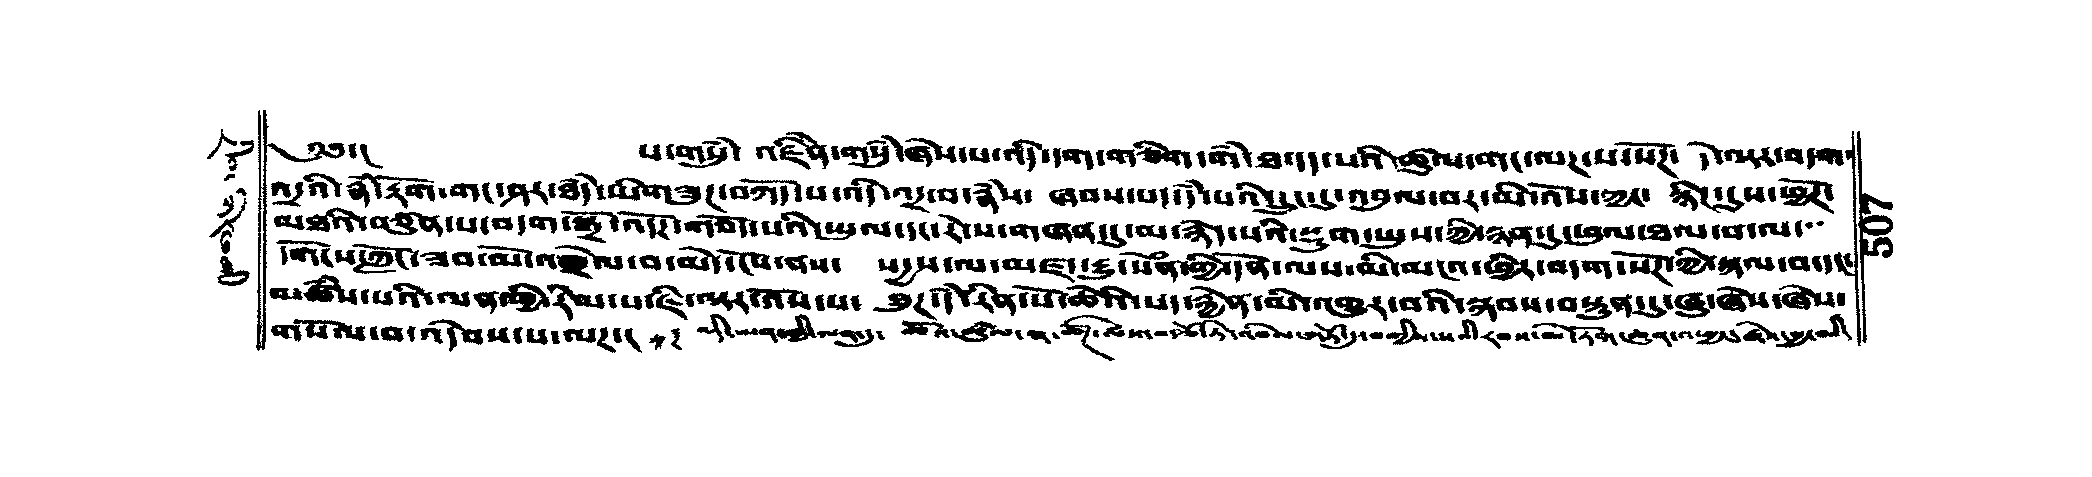པ་གསུམ། འཇིག་རྟེན་གསུམ་ཞེས་པ་འདི་དག་གཅིག་གམ་ཐ་དད་པའི་ཚུལ་གང་ལགས་པ་སོགས། དེ་ལྟར་བདག་
འདྲའི་རྣམ་རྟོག་གང་ཤར་ཐམས་ཅད་ཡིག་གཟུགས་སུ་བཀོད་པ་འདི་འདྲ་བ་རྣམས། ཞབས་པད་དམ་པའི་དྲུང་དུ་འབུལ་བར་མི་འོས་ཀྱང་། སྙིགས་དུས་ཕྱོགས་
མཐའི་བཙུན་པ་བདག་སྒྲོ་འདོགས་གཅོད་པའི་ཡུལ་དང་རེ་ས་གཞན་དུ་མ་རྙེད་པའི་སྡུག་ཡུས་ཀྱི་སྙན་དུ་ཕུལ་ཐལ་བ་ལ་
དགོངས་ཀློང་ཟབ་མོ་འཁྲེལ་བ་མེད་ངོས་ནས། སངས་རྒྱས་ལ་མཛད་རྒྱུ་སེམས་ཅན་གྱི་དོན་ལས་མི་མངའ་ཕྱིར་བདག་སོགས་ཀྱི་སྐལ་བ་དང་
འཚམས་པའི་ལན་གྱི་རིམ་པ་ཇི་ལྟར་དགོས་པ། ཐུགས་དམ་རིན་པོ་ཆེའི་སད་རྐྱེན་མི་འགྱུར་བའི་སྐབས་བསྟུན་དུ་ཞུ་ཞེས་ཞེས་
གསོལ་བ་འདེབས་པ་ལགས། ༈ འདི་ཡན་གྱི་ལན་དུ། ཆོས་ཚུལ་སྣ་ཚོགས་ལས་བརྩམས་ཏེ་འབེལ་གཏམ་དུ་བགྱིས་པའི་རབས་མེ་ཏོག་ཆུན་འཕྱང་ཞེས་བྱ་བའི་དཔེ་ཚན་གཅིག་ཡོད་དོ།།